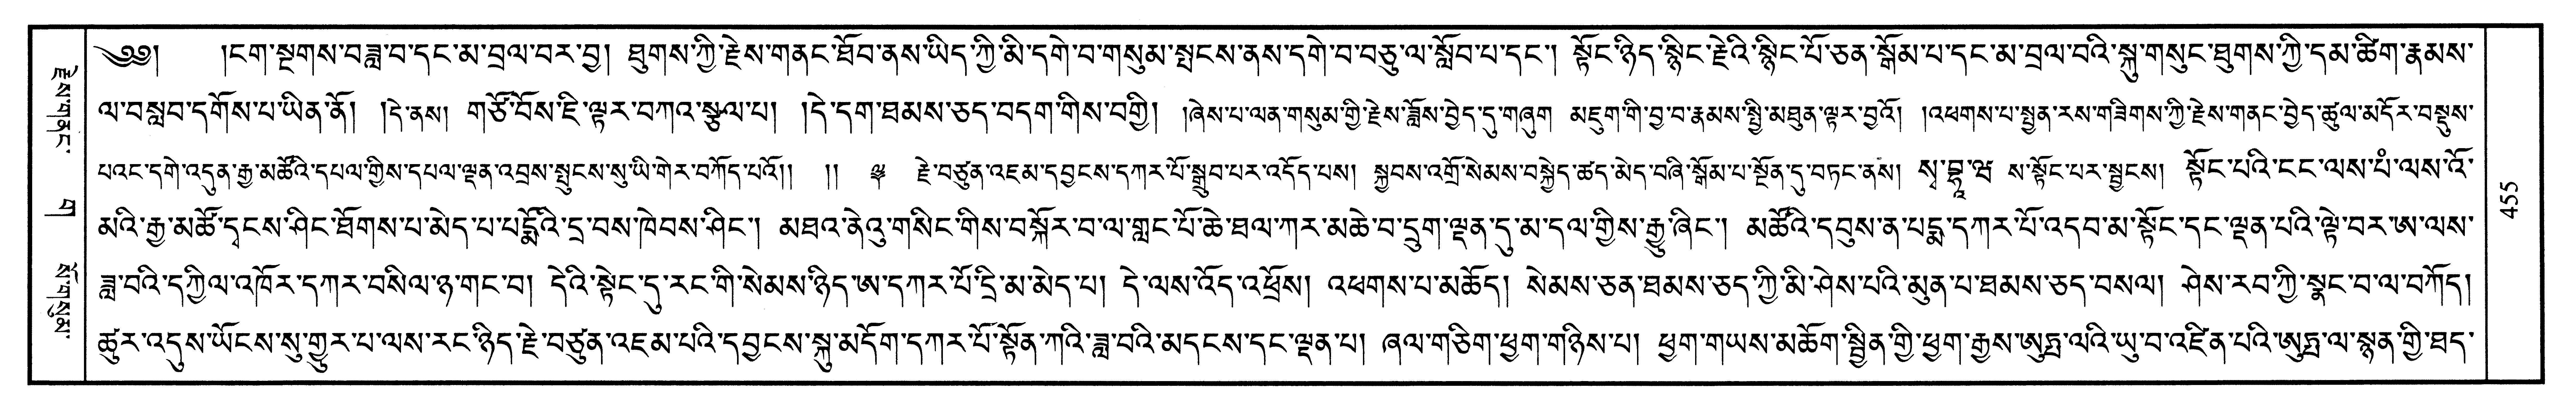༄༅། །ངག་སྔགས་བཟླ་བ་དང་མ་བྲལ་བར་བྱ། ཐུགས་ཀྱི་རྗེས་གནང་ཐོབ་ནས་ཡིད་ཀྱི་མི་དགེ་བ་གསུམ་སྤངས་ནས་དགེ་བ་བཅུ་ལ་སློབ་པ་དང་། སྟོང་ཉིད་སྙིང་རྗེའི་སྙིང་པོ་ཅན་སྒོམ་པ་དང་མ་བྲལ་བའི་སྐུ་གསུང་ཐུགས་ཀྱི་དམ་ཚིག་རྣམས་
ལ་བསླབ་དགོས་པ་ཡིན་ནོ། །དེ་ནས། གཙོ་བོས་ཇི་ལྟར་བཀའ་སྩལ་པ། །དེ་དག་ཐམས་ཅད་བདག་གིས་བགྱི། །ཞེས་པ་ལན་གསུམ་གྱི་རྗེས་ཟློས་བྱེད་དུ་གཞུག་མཇུག་གི་བྱ་བ་རྣམས་སྤྱི་མཐུན་ལྟར་བྱའོ། །འཕགས་པ་སྤྱན་རས་གཟིགས་ཀྱི་རྗེས་གནང་བྱེད་ཚུལ་མདོར་བསྡུས་
པའང་དགེ་འདུན་རྒྱ་མཚོའི་དཔལ་གྱིས་དཔལ་ལྡན་འབྲས་སྤུངས་སུ་ཡི་གེར་བཀོད་པའོ།། །། ༈ རྗེ་བཙུན་འཇམ་དབྱངས་དཀར་པོ་སྒྲུབ་པར་འདོད་པས། སྐྱབས་འགྲོ་སེམས་བསྐྱེད་ཚད་མེད་བཞི་སྒོམ་པ་སྔོན་དུ་བཏང་ནས། སྭ་བྷཱ་ཝ་ས་སྟོང་པར་སྦྱངས། སྟོང་པའི་ངང་ལས་པཾ་ལས་འོ་
མའི་རྒྱ་མཚོ་དྭངས་ཤིང་ཐོགས་པ་མེད་པ་པདམོའི་དྲ་བས་ཁེབས་ཤིང་། མཐའ་ནེའུ་གསིང་གིས་བསྐོར་བ་ལ་གླང་པོ་ཆེ་ཐལ་ཀར་མཆེ་བ་དྲུག་ལྡན་དུ་མ་དལ་གྱིས་རྒྱུ་ཞིང་། མཚོའི་དབུས་ན་པདམ་དཀར་པོ་འདབ་མ་སྟོང་དང་ལྡན་པའི་ལྟེ་བར་ཨ་ལས་
ཟླ་བའི་དཀྱིལ་འཁོར་དཀར་བསིལ་ཉ་གང་བ། དེའི་སྟེང་དུ་རང་གི་སེམས་ཉིད་ཨ་དཀར་པོ་དྲི་མ་མེད་པ། དེ་ལས་འོད་འཕྲོས། འཕགས་པ་མཆོད། སེམས་ཅན་ཐམས་ཅད་ཀྱི་མི་ཤེས་པའི་མུན་པ་ཐམས་ཅད་བསལ། ཤེས་རབ་ཀྱི་སྣང་བ་ལ་བཀོད།
ཚུར་འདུས་ཡོངས་སུ་གྱུར་པ་ལས་རང་ཉིད་རྗེ་བཙུན་འཇམ་པའི་དབྱངས་སྐུ་མདོག་དཀར་པོ་སྟོན་ཀའི་ཟླ་བའི་མདངས་དང་ལྡན་པ། ཞལ་གཅིག་ཕྱག་གཉིས་པ། ཕྱག་གཡས་མཆོག་སྦྱིན་གྱི་ཕྱག་རྒྱས་ཨུཏྤ་ལའི་ཡུ་བ་འཛིན་པའི་ཨུཏྤ་ལ་སྙན་གྱི་ཐད་